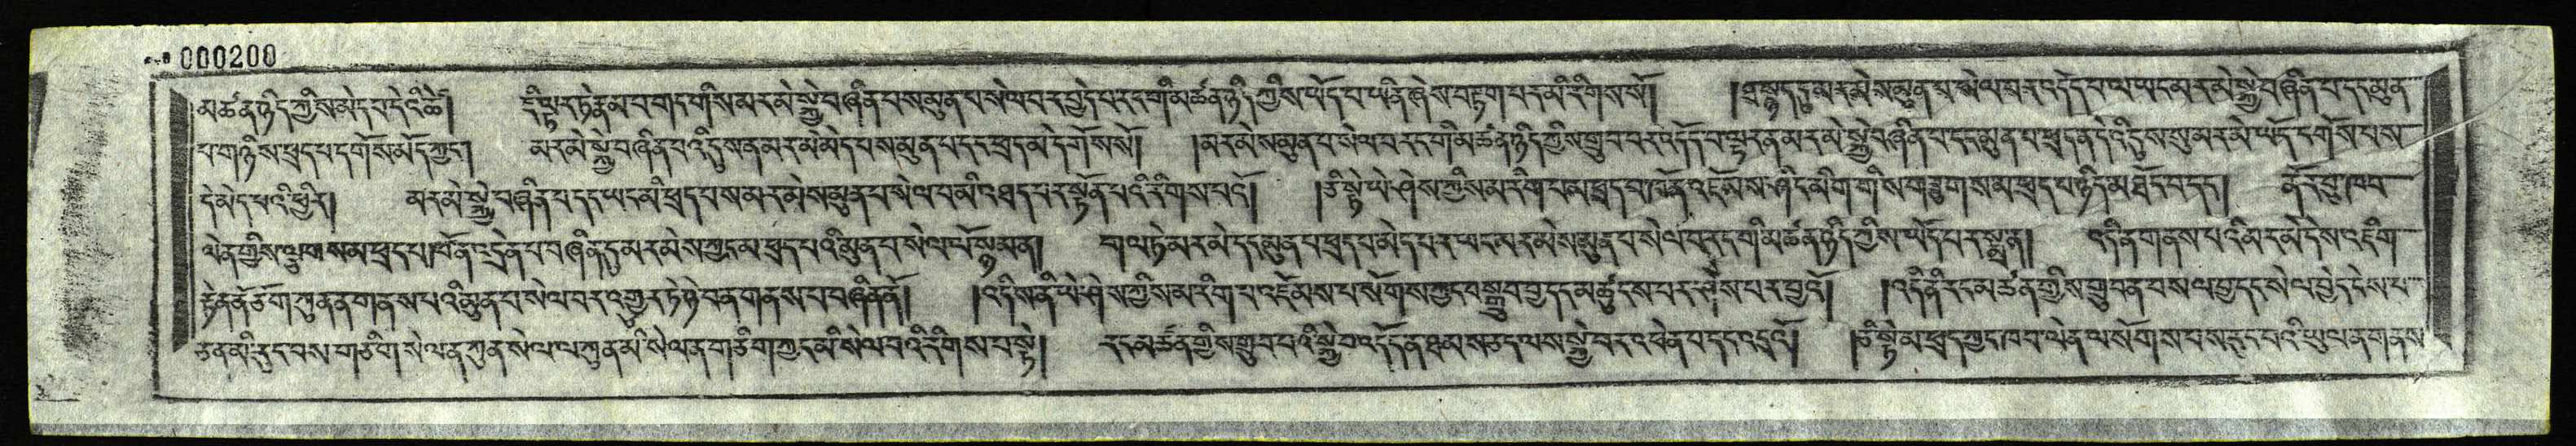མཚན་ཉིད་ཀྱིས་མེད་པ་དེའི་ཚེ། ཇི་ལྟར་ཏེ་རྣམ་པ་གང་གིས་མར་མེ་སྐྱེ་བཞིན་པས་མུན་པ་སེལ་བར་བྱེད་པ་རང་གི་མཚན་ཉིད་ཀྱིས་ཡོད་པ་ཡིན་ཞེས་བརྟག་པར་མི་རིགས་སོ། །ཐ་སྙད་དུ་མར་མེས་མུན་པ་སེལ་བར་འདོད་པ་ལ་ཡང་མར་མེ་སྐྱེ་བཞིན་པ་དང་མུན་
པ་གཉིས་ཕྲད་པ་དགོས་མོད་ཀྱང་། མར་མེ་སྐྱེ་བཞིན་པའི་དུས་ན་མར་མེ་མེད་པས་མུན་པ་དང་ཕྲད་མི་དགོས་སོ། །མར་མེས་མུན་པ་སེལ་བ་རང་གི་མཚན་ཉིད་ཀྱིས་གྲུབ་པར་འདོད་པ་ལྟར་ན་མར་མེ་སྐྱེ་བཞིན་པ་དང་མུན་པ་ཕྲད་ན་དེའི་དུས་སུ་མར་མེ་ཡོད་དགོས་པས་
དེ་མེད་པའི་ཕྱིར། མར་མེ་སྐྱེ་བཞིན་པ་དང་ཡང་མི་ཕྲད་པས་མར་མེས་མུན་པ་སེལ་བ་མི་འཐད་པར་སྟོན་པའི་རིགས་པའོ། །ཅི་སྟེ་ཡེ་ཤེས་ཀྱིས་མ་རིག་པ་མ་ཕྲད་པ་ཁོ་ན་འཇོམས་ཤིང་མིག་གིས་གཟུགས་མ་ཕྲད་པ་ཉིད་མཐོང་བ་དང་། ནོར་བུ་ཁབ་
ལེན་གྱིས་ལྕགས་མ་ཕྲད་པ་ཁོ་ན་འདྲེན་པ་བཞིན་དུ་མར་མེས་ཀྱང་མ་ཕྲད་པའི་མུན་པ་སེལ་ལོ་སྙམ་ན། གལ་ཏེ་མར་མེ་དང་མུན་པ་ཕྲད་པ་མེད་པར་ཡང་མར་མེས་མུན་པ་སེལ་བ་རང་གི་མཚན་ཉིད་ཀྱིས་ཡོད་པར་སྨྲ་ན། འདི་ན་གནས་པའི་མར་མེ་དེས་འཇིག་
རྟེན་ནོ་ཅོག་ཀུན་ན་གནས་པའི་མུན་པ་སེལ་བར་འགྱུར་ཏེ་ཉེ་བ་ན་གནས་པ་བཞིན་ནོ། །འདིས་ནི་ཡེ་ཤེས་ཀྱིས་མ་རིག་པ་འཇོམས་པ་སོགས་ཀྱང་བསྒྲུབ་བྱ་དང་མཚུངས་པར་ཤེས་པར་བྱའོ། །འདི་ནི་རང་མཚན་གྱིས་གྲུབ་ན་བསལ་བྱ་དང་སེལ་བྱེད་ངེས་པ་
ཅན་མི་རུང་བས་གཅིག་སེལ་ན་ཀུན་སེལ་ལ་ཀུན་མི་སེལ་ན་གཅིག་ཀྱང་མི་སེལ་བའི་རིགས་པ་སྟེ། རང་མཚན་གྱིས་གྲུབ་པའི་སྐྱེ་བ་འདོད་ན་ཐམས་ཅད་ལས་སྐྱེ་བར་འཕེན་པ་དང་འདྲའོ། །ཅི་སྟེ་མ་ཕྲད་ཀྱང་ཁབ་ལེན་ལ་སོགས་པས་རུང་བའི་ཡུལ་ན་གནས་